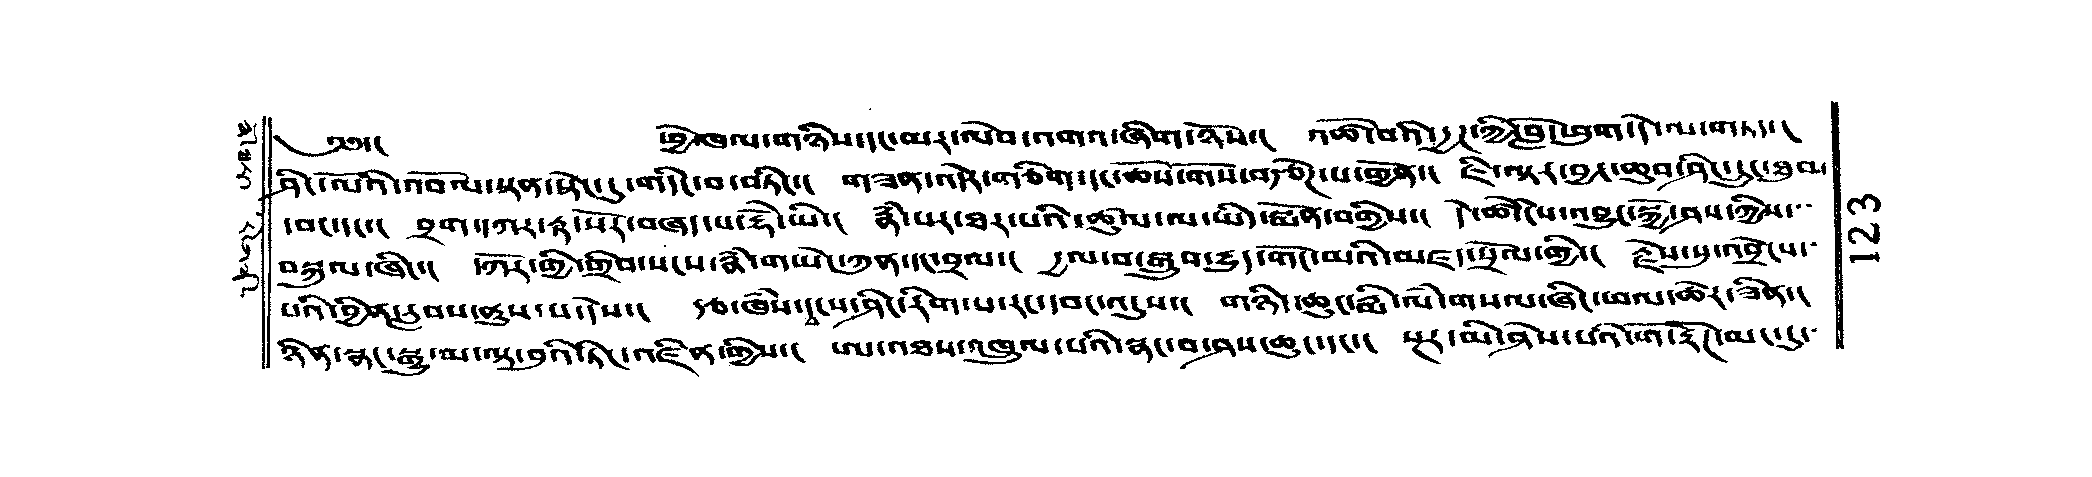།ཕྱེ་ཁལ་གཉིས་དང་མར་ལེབ་འགའ་ཞིག་ཉོས། །འཚོ་བའི་རྒྱགས་ཀྱི་བློ་ཕུགས་དེ་ལ་གཏད། །
ཤིང་ལོའི་འབོལ་སྟན་སྟེང་དུ་གདིང་བ་བཏིང་། །གཟན་འདེར་གཅིག་དང་ཆོས་གོས་བརྩེགས་པ་གྱོན། །ཇི་ལྟར་བྱང་ཆུབ་ཤིང་དྲུང་ཐུབ་
དབང་དང་། །བྲག་དཀར་རྟ་སོར་བཞད་པ་རྡོ་རྗེ་ཡི། །རྣམ་པར་ཐར་པའི་ཚུལ་ལ་ཡིན་སྨོན་བགྱིས། །དེ་ཚེ་ངེས་འབྱུང་སྐྱོ་ཤས་ཀྱིས་
བསྐུལ་ཞིང་། །དཀོར་གྱི་གྲིབ་སངས་རྣམ་གཡེང་ཀུན་དང་བྲལ། །རྒྱལ་བ་སྒྲུབ་རྒྱུད་གོང་མའི་མཛད་སྲོལ་གྱི། །རྗེས་སུ་འབྲངས་
པའི་བྱིན་རླབས་ནུས་པ་དེས། །རྩ་ཁམས་དྭངས་ཤིང་རིག་པ་རང་དབང་འདུས། །གཉིད་ཆུང་རྨི་ལམ་གསལ་ཞིང་ཕལ་ཆེར་ཟིན། །
ཉིན་སྣང་སྒྱུ་མ་ལྟ་བུའི་ཏིང་འཛིན་གྱིས། །ཨ་འཐས་འཁྲུལ་པའི་སྣང་བ་ཤས་ཆུང་དང་། །སྔར་མི་ཤེས་པའི་གོ་རྟོགས་མང་དུ་